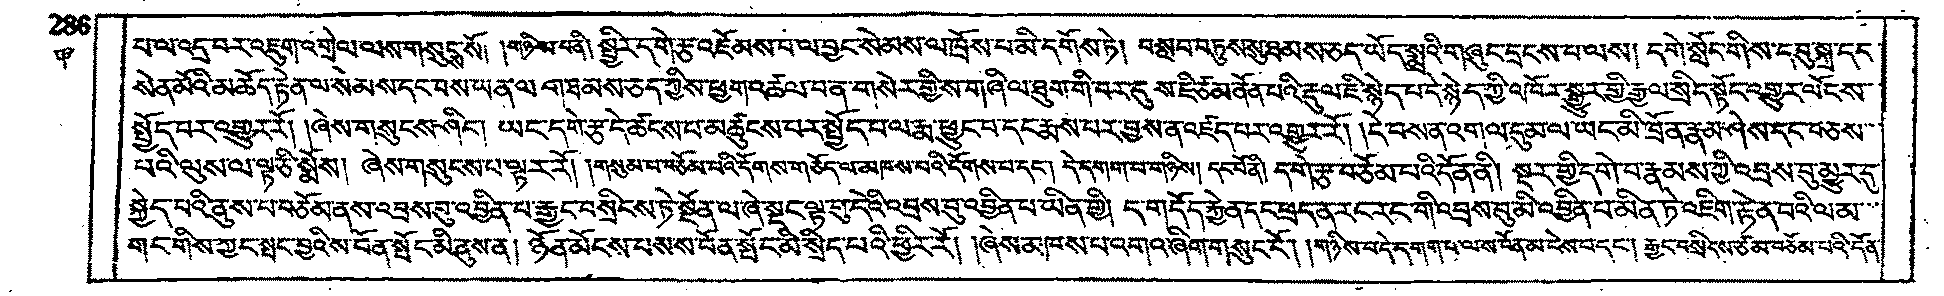པ་ལ་འདྲ་བར་འཇུག་འགྲེལ་ལས་གསུངས་སོ། །གཉིས་པ་ནི།  སྤྱིར་དགེ་རྩ་འཇོམས་པ་ལ་བྱང་སེམས་ལ་ཁྲོས་པ་མི་དགོས་ཏེ། བསླབ་བཏུས་སུ་ཐམས་ཅད་ཡོད་སྨྲའི་གཞུང་དྲངས་པ་ལས། དགེ་སློང་གིས་དབུ་སྐྲ་དང་
སེན་མོའི་མཆོད་རྟེན་ལ་སེམས་དང་བས་ཡན་ལག་ཐམས་ཅད་ཀྱིས་ཕྱག་འཚལ་བ་ན་གསེར་གྱི་ས་གཞི་ལ་ཐུག་གི་བར་དུས་ཇི་ཙམ་ནོན་པའི་རྡུལ་ཇི་སྙེད་པ་དེ་སྙེད་ཀྱི་འཁོར་སྒྱུར་གྱི་རྒྱལ་སྲིད་སྟོང་འགྱུར་ལོངས་
སྤྱོད་པར་འགྱུར་རོ། །ཞེས་གསུངས་ཤིང་། ཡང་དགེ་རྩ་དེ་ཚངས་པ་མཚུངས་པར་སྤྱོད་པ་ལ་རྨ་ཕྱུང་བ་དང་རྨས་པར་བྱས་ན་འཛད་པར་འགྱུར་རོ། །དེ་བས་ན་འགལ་དུམ་ལ་ཡང་མི་ཁྲོ་ན་རྣམ་ཤེས་དང་བཅས་
པའི་ལུས་ལ་ལྟ་ཅི་སྨོས། ཞེས་གསུངས་པ་ལྟར་རོ། །གསུམ་པ་བཅོམ་པའི་དོགས་གཅོད་ལ་མཁས་པའི་དོགས་པ་དང་། དེ་དགག་པ་གཉིས། དང་པོ་ནི།  དགེ་རྩ་བཅོམ་པའི་དོན་ནི། སྔར་གྱི་དགེ་བ་རྣམས་ཀྱི་འབྲས་བུ་མྱུར་དུ་
སྐྱེད་པའི་ནུས་པ་བཅོམ་ནས་འབྲས་བུ་འབྱིན་པ་རྒྱང་བསྲིངས་ཏེ་སྔོན་ལ་ཞེ་སྡང་ལྟ་བུ་དེའི་འབྲས་བུ་འབྱིན་པ་ཡིན་གྱི། ད་གདོད་རྐྱེན་དང་ཕྲད་ན་རང་རང་གི་འབྲས་བུ་མི་འབྱིན་པ་མིན་ཏེ་འཇིག་རྟེན་པའི་ལམ་
གང་གིས་ཀྱང་སྤང་བྱའི་ས་བོན་སྤོང་མི་ནུས་ན། ཉོན་མོངས་པས་ས་བོན་སྤོང་མི་སྲིད་པའི་ཕྱིར་རོ། །ཞེས་མཁས་པ་འགའ་ཞིག་གསུང་ངོ། །གཉིས་པ་དེ་དགག་པ་ལ་ས་བོན་མ་ངེས་པ་དང་། རྒྱང་བསྲིངས་བཅོམ་པའི་དོན་